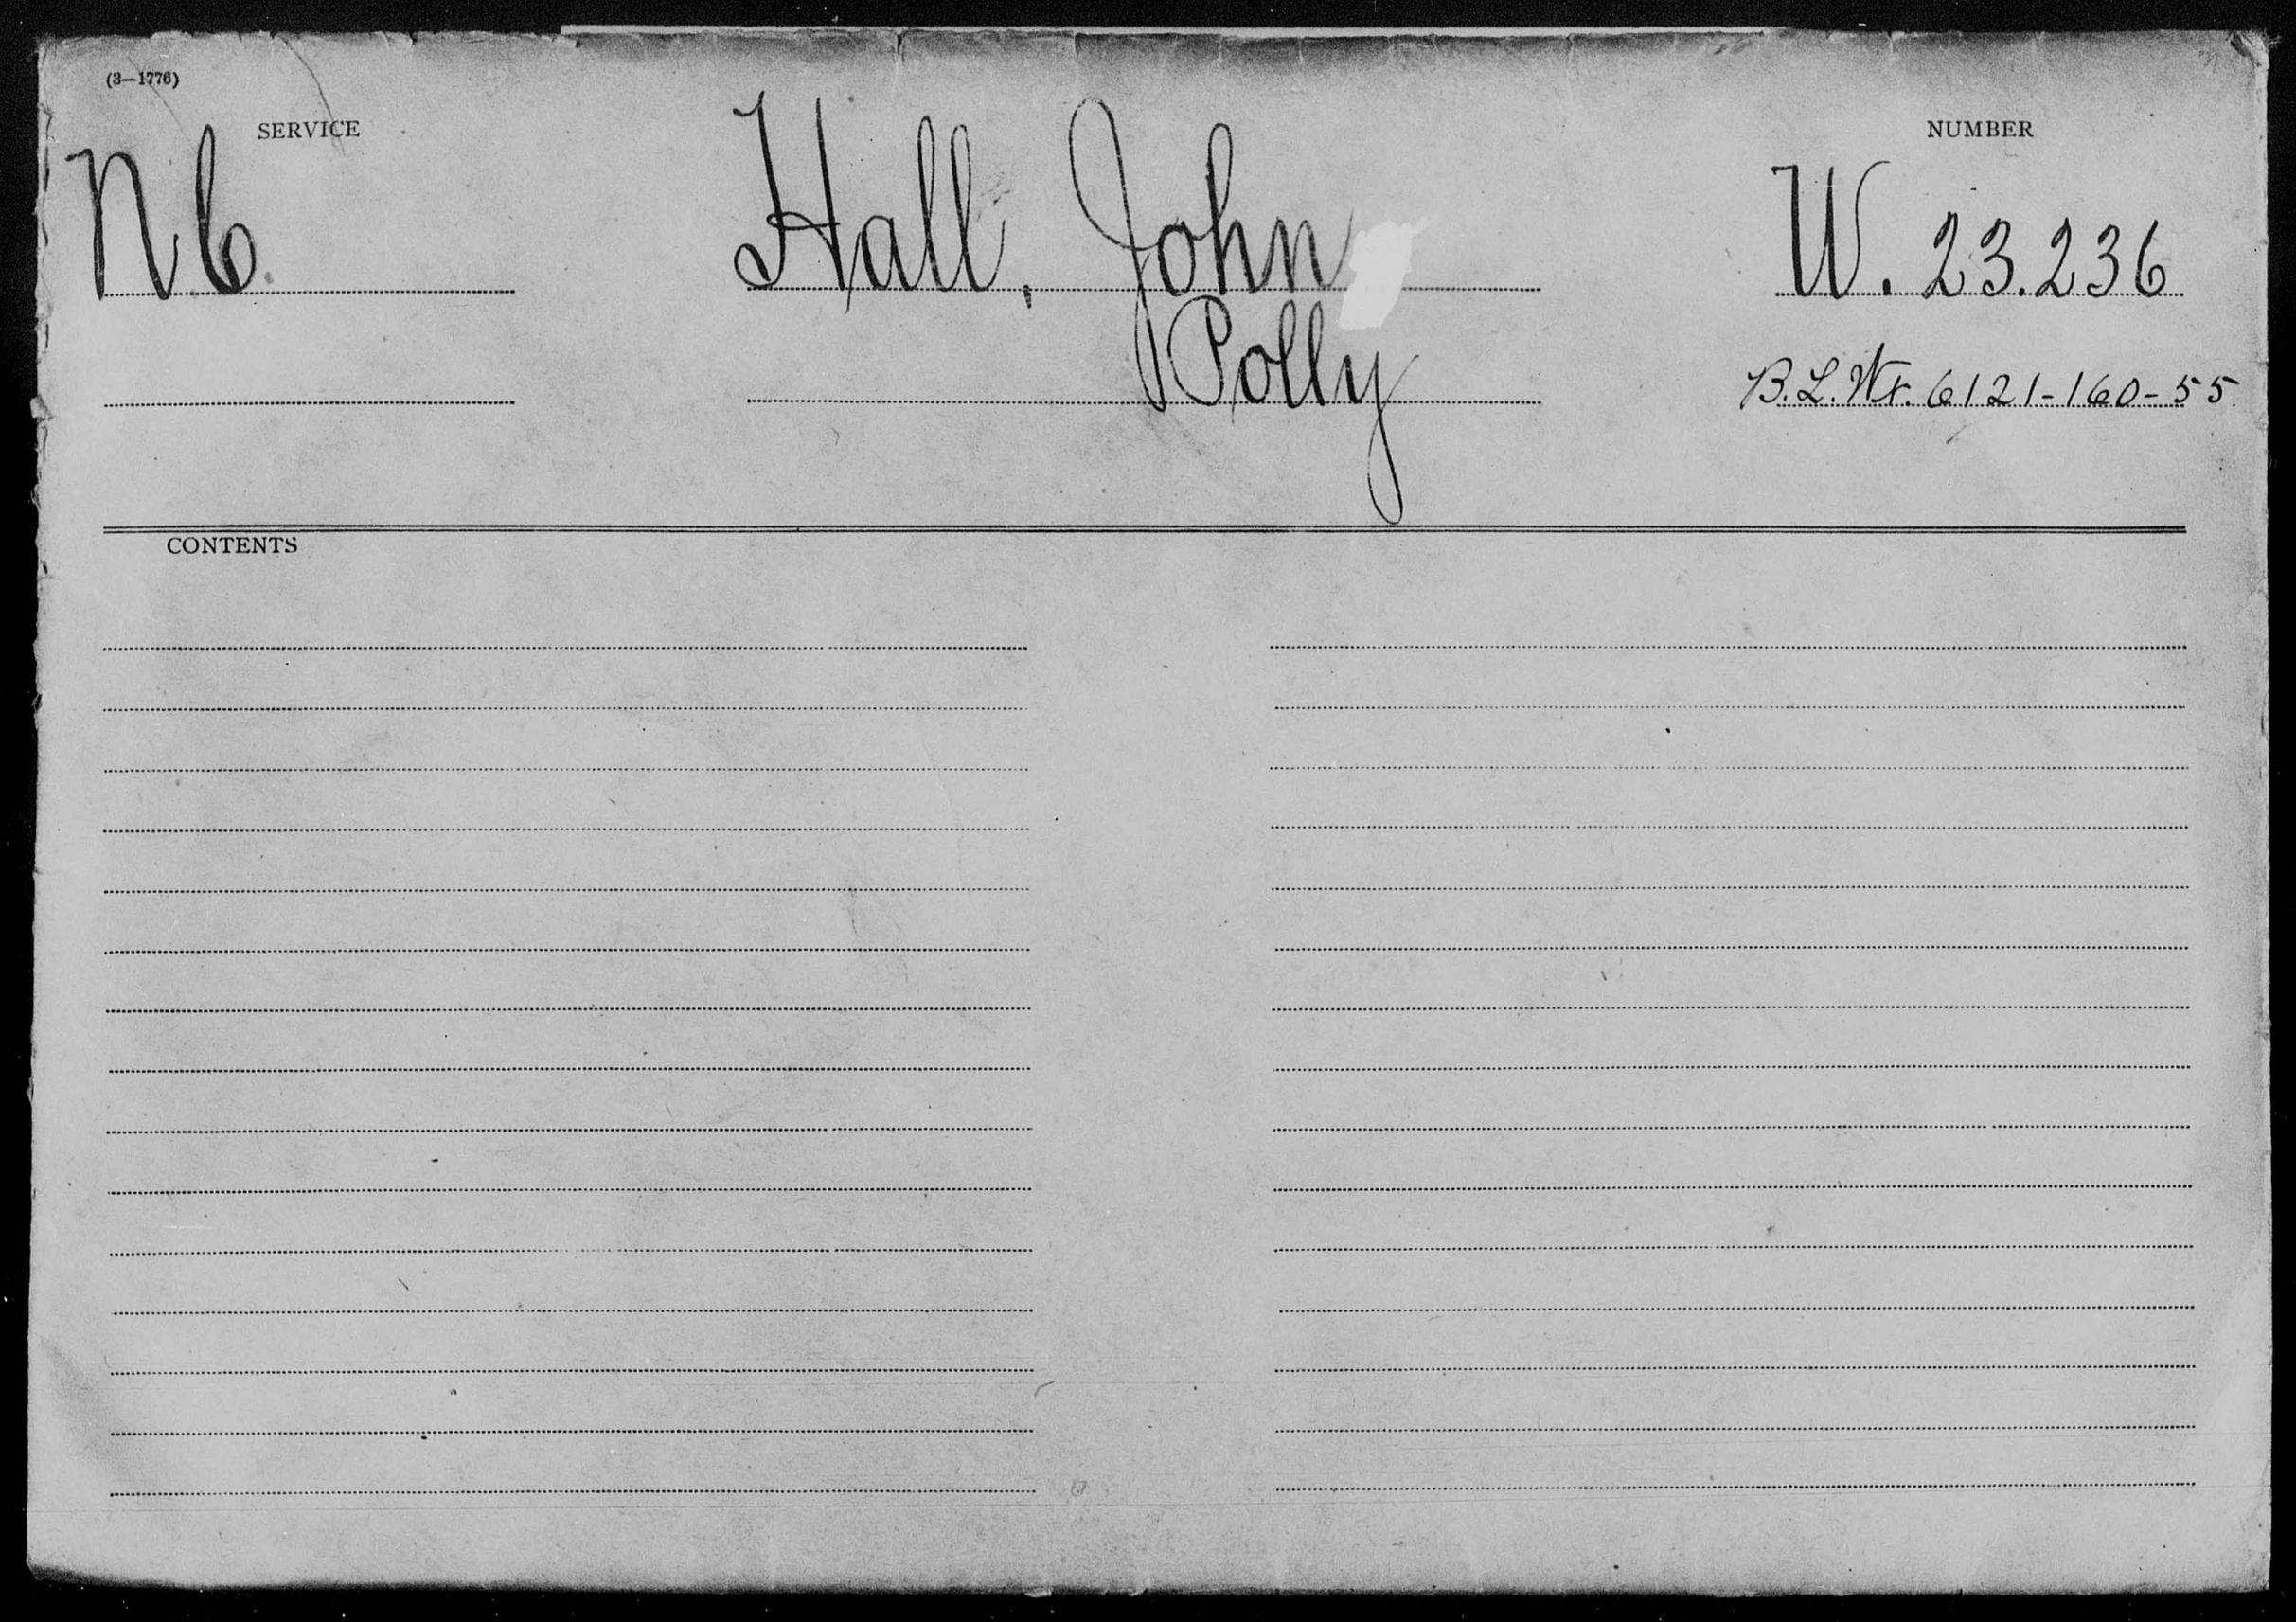(3-1776) 

SERVICE
NC

Hall, John
Hall, Polly

NUMBER
W. 23.236
B.L.W 6121-160-55

CONTENTS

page: 1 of 61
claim: widow's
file: W. 23,236, John Hall, N.C.